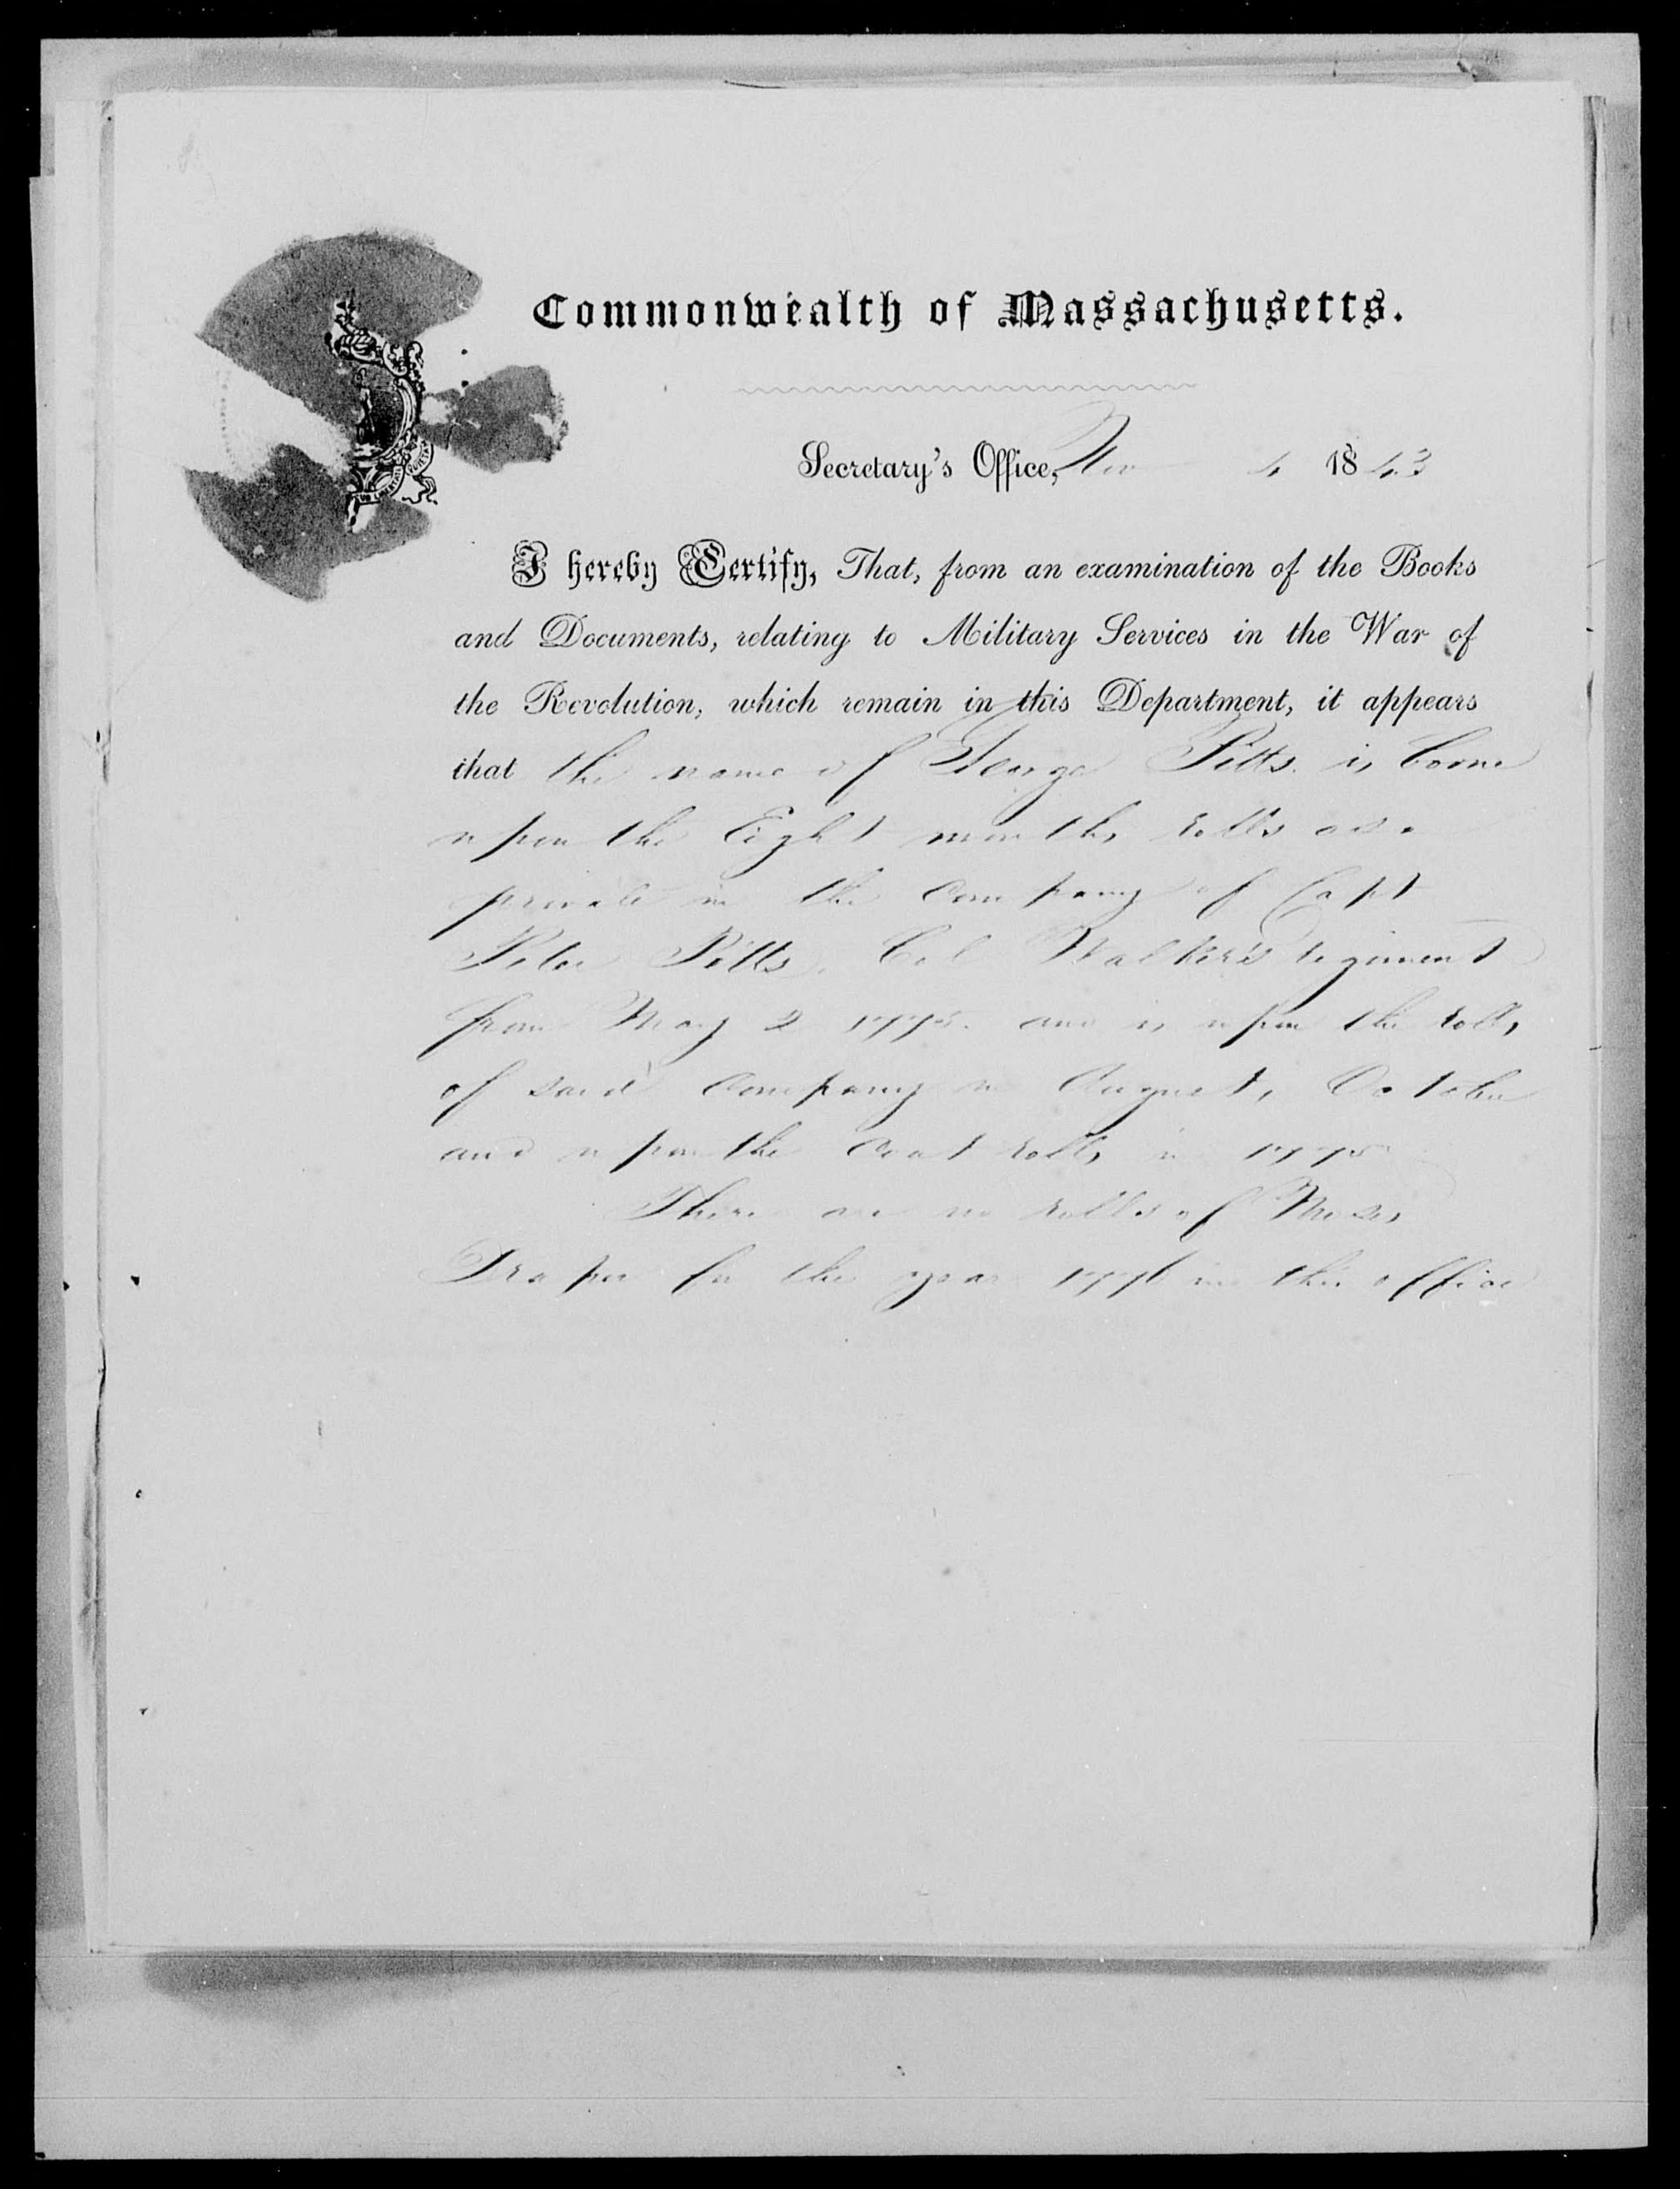Commonwealth of Massachusetts.
Secretary's Office November 4 1843
I hereby Certify, That, from an examination of the Books and Documents, relating to Military Services in the War of the Revolution, which remain in this Department, it appears
that the name of George Pitts is borne
on the Eight months rolls as
private in the Company of Capt Peter Pitts,
Col.  Walker's Regiment
from May 2 1775 and is upon the rolls 
of said Company in August, October
and in for the Court Rolls in 1775.
There are no rolls of Moses
Draper for the year 1776 in this office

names: George Pitts; Peter Pitts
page: 17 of 54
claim: widow's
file: W. 26,897, for George Pitts, Massachusetts